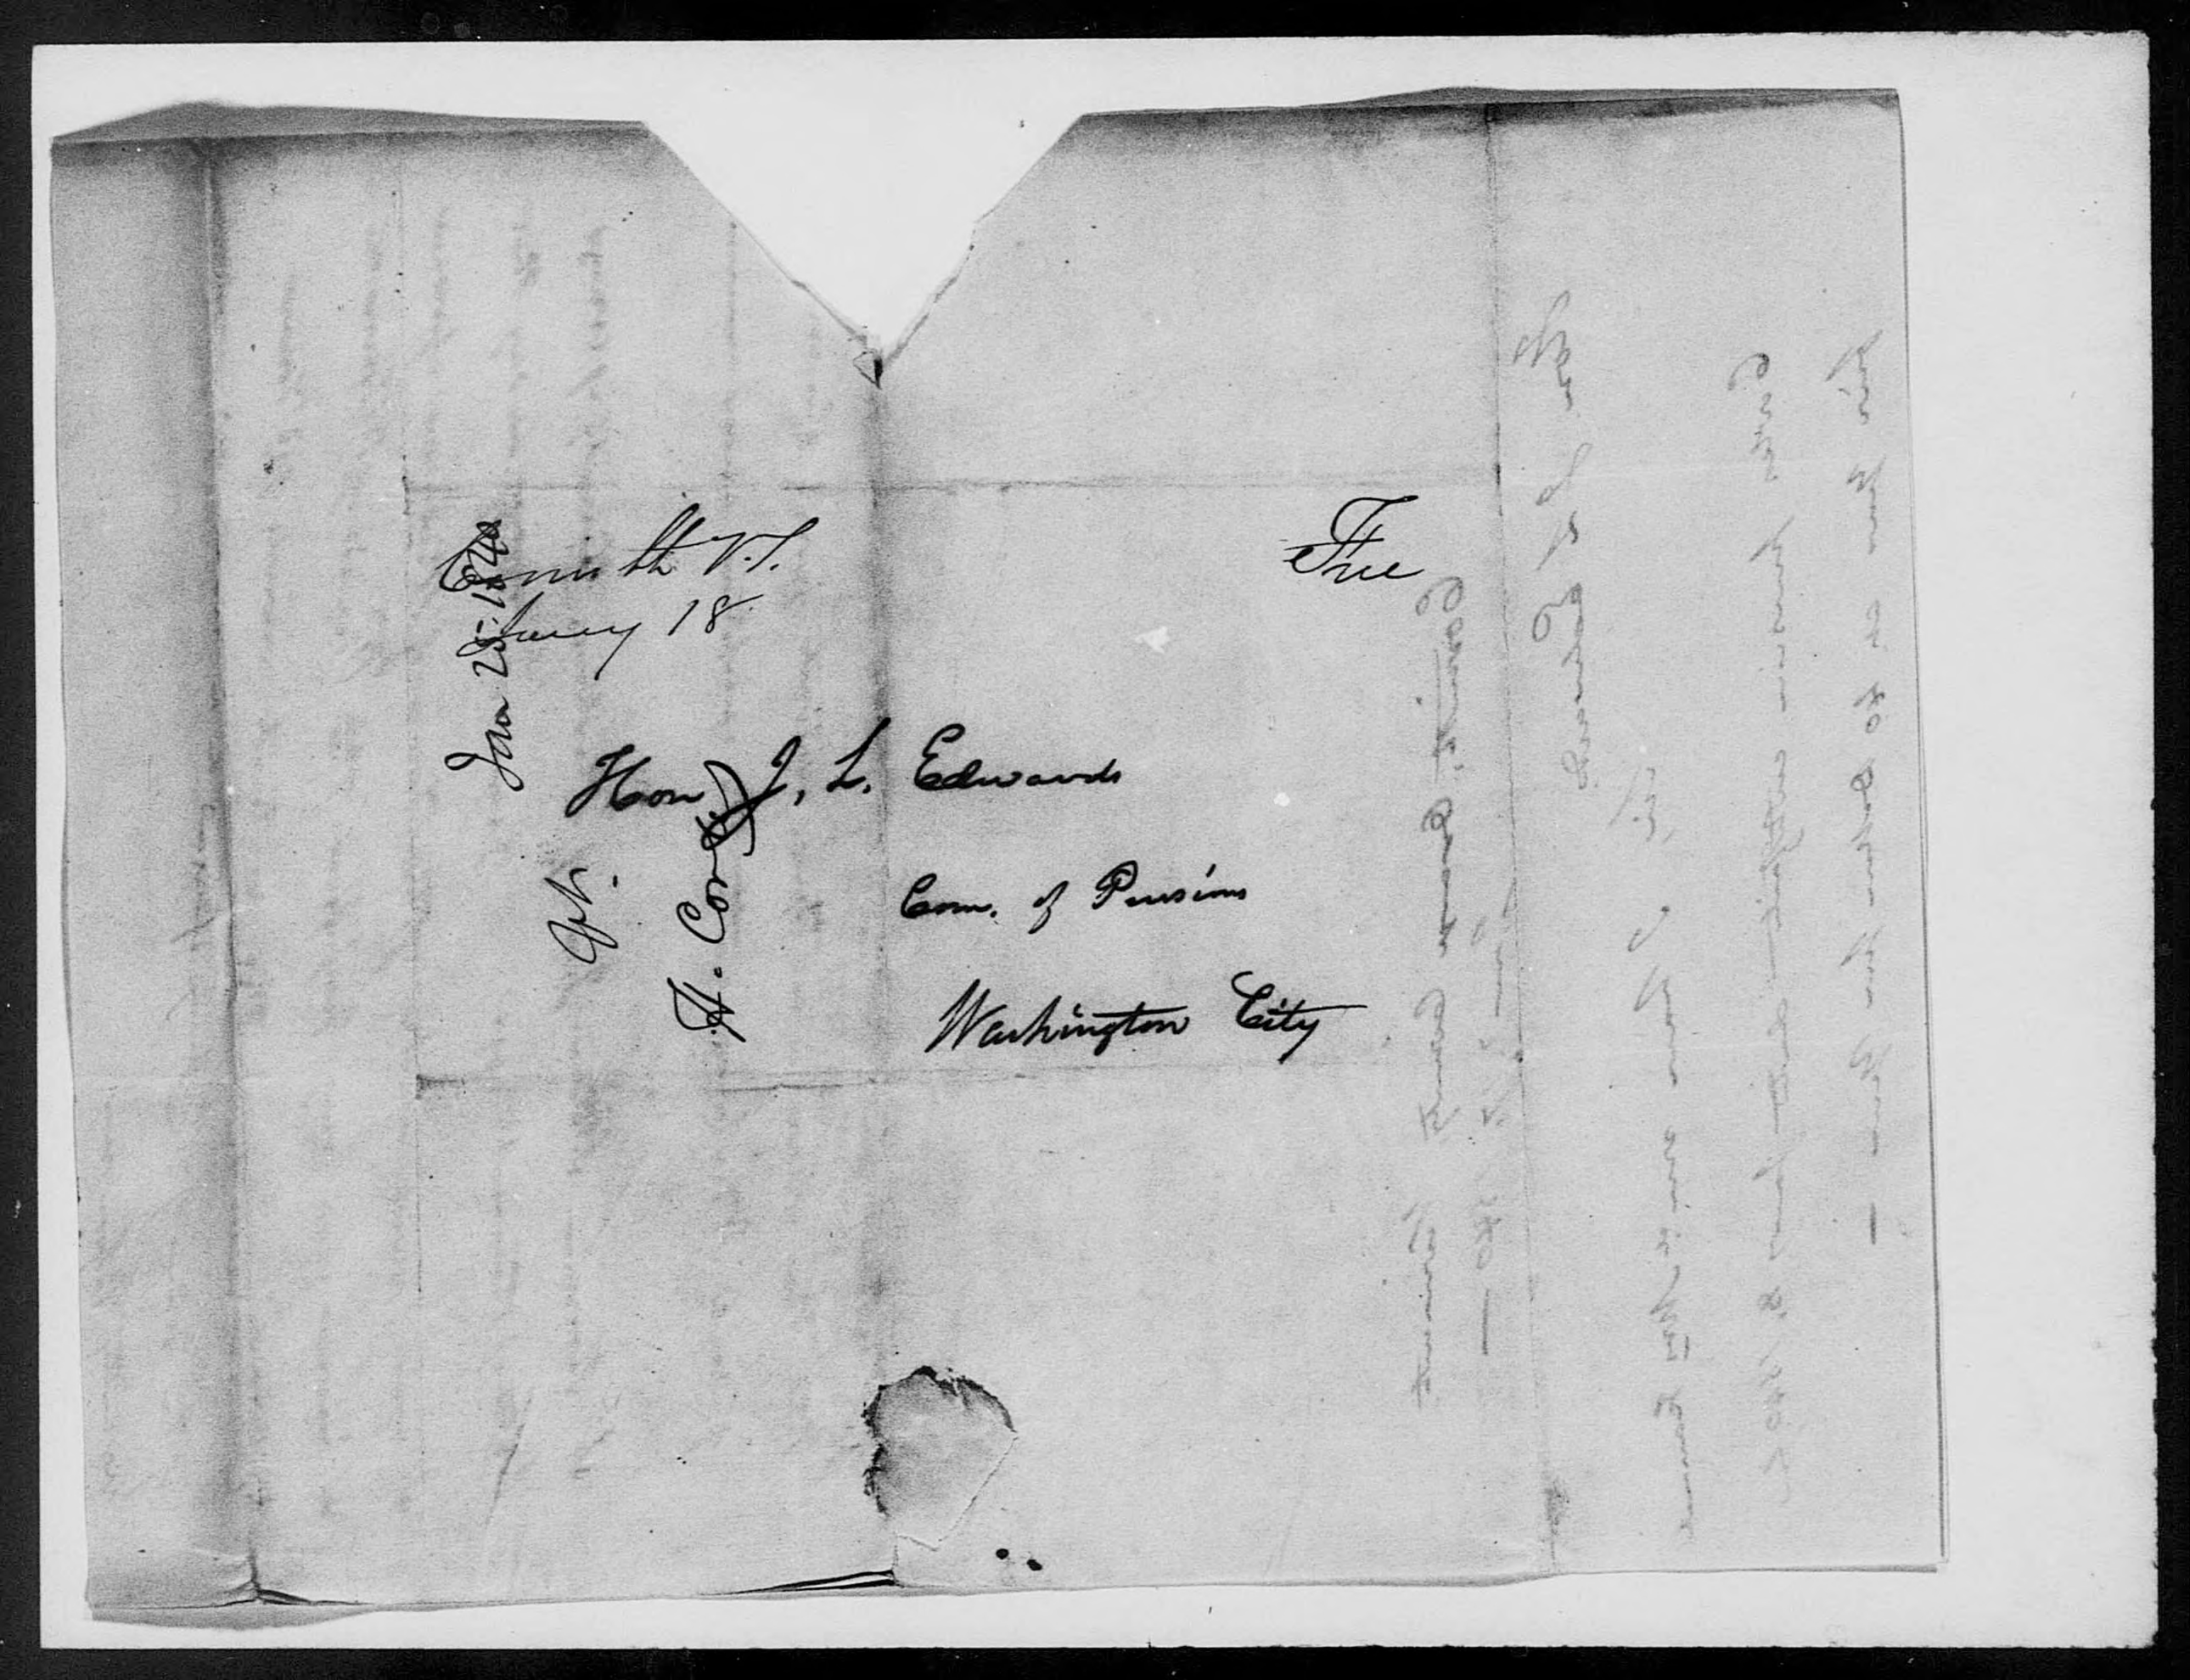Corinth Vermont 
January 18
Free
Honorable J. L. Edwards 
Commissioner of Pensions Washington 
City 

January 25, 1840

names: J L Edwards, H Corles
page: 24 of 34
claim: widow's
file: W. 20,896, Timothy Corless, Continental Mass